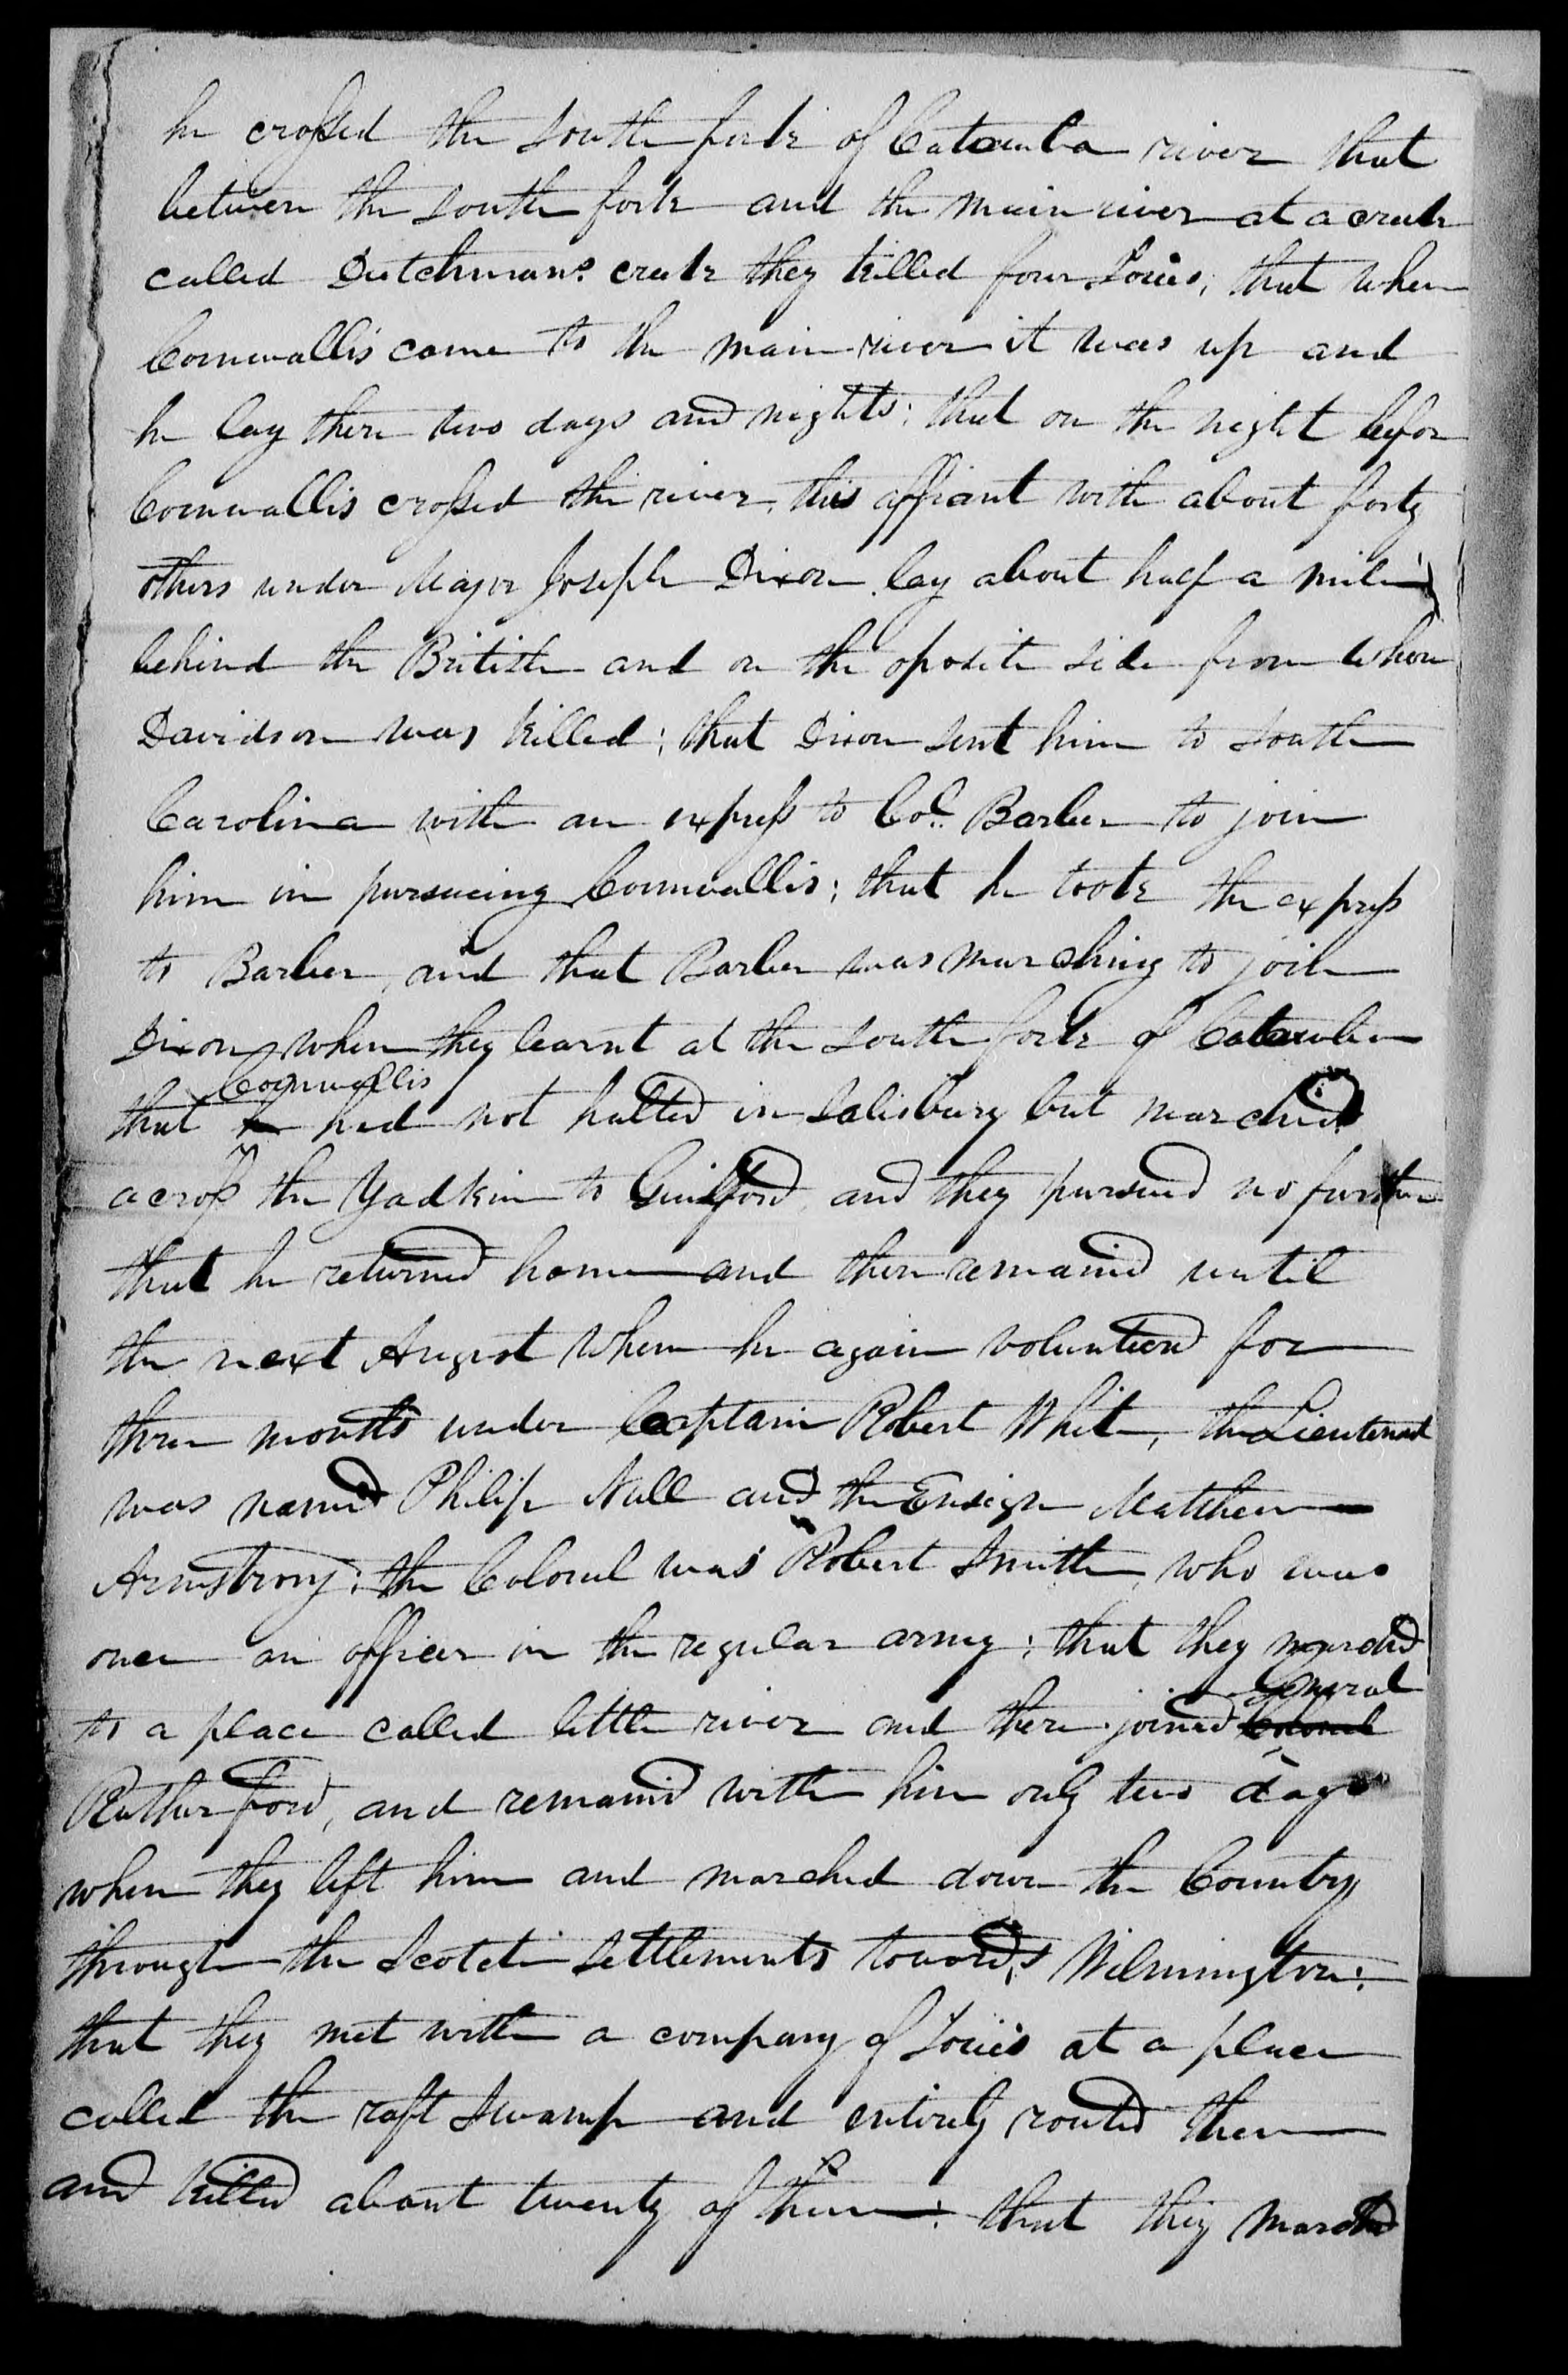he crossed the South Fork of Catawba River; that between the South fork and the main river at a Creek called Dutchman's Creek they killed four Tories; that when Cornwallis came to the main river it was up and he lay there two days and nights; that on the night before Cornwallis crossed the river, this affiant with about forty others under Major Joseph Dixon lay about half a mile behind the British and on the opposite side from where Davidson [William Lee Davidson] was killed [Cowan’s Ford, February 1, 1781]; that Dixon sent him to South Carolina with an express to Col. Barber to join him in pursuing Cornwallis; that he took the express to Barber, and that Barber was marching to join Dickson when they learnt at the South fork of Catawba that Cornwallis had not halted in Salisbury but marched across the Yadkin to Guilford and they pursued no further; that he returned home and there remained until the next August when he again volunteered for three months under Captain Robert White, the Lieutenant was named Philip Null and the Ensign Matthew Armstrong, the Colonel was Robert Smith, who was once an officer in the regular Army; that they marched to a place called Little River and there joined General Rutherford [Griffith Rutherford], and remained with him only two days when they left him and marched down the Country through the Scotch Settlements towards Wilmington; that they met with a company of Tories at a place called the raft [Raft] Swamp [Raft Swamp, October 15, 1781] and entirely routed them and killed about twenty of them; that they marched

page: 13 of 67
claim: widow's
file: W. 21793, for George Mc Lain, North Carolina